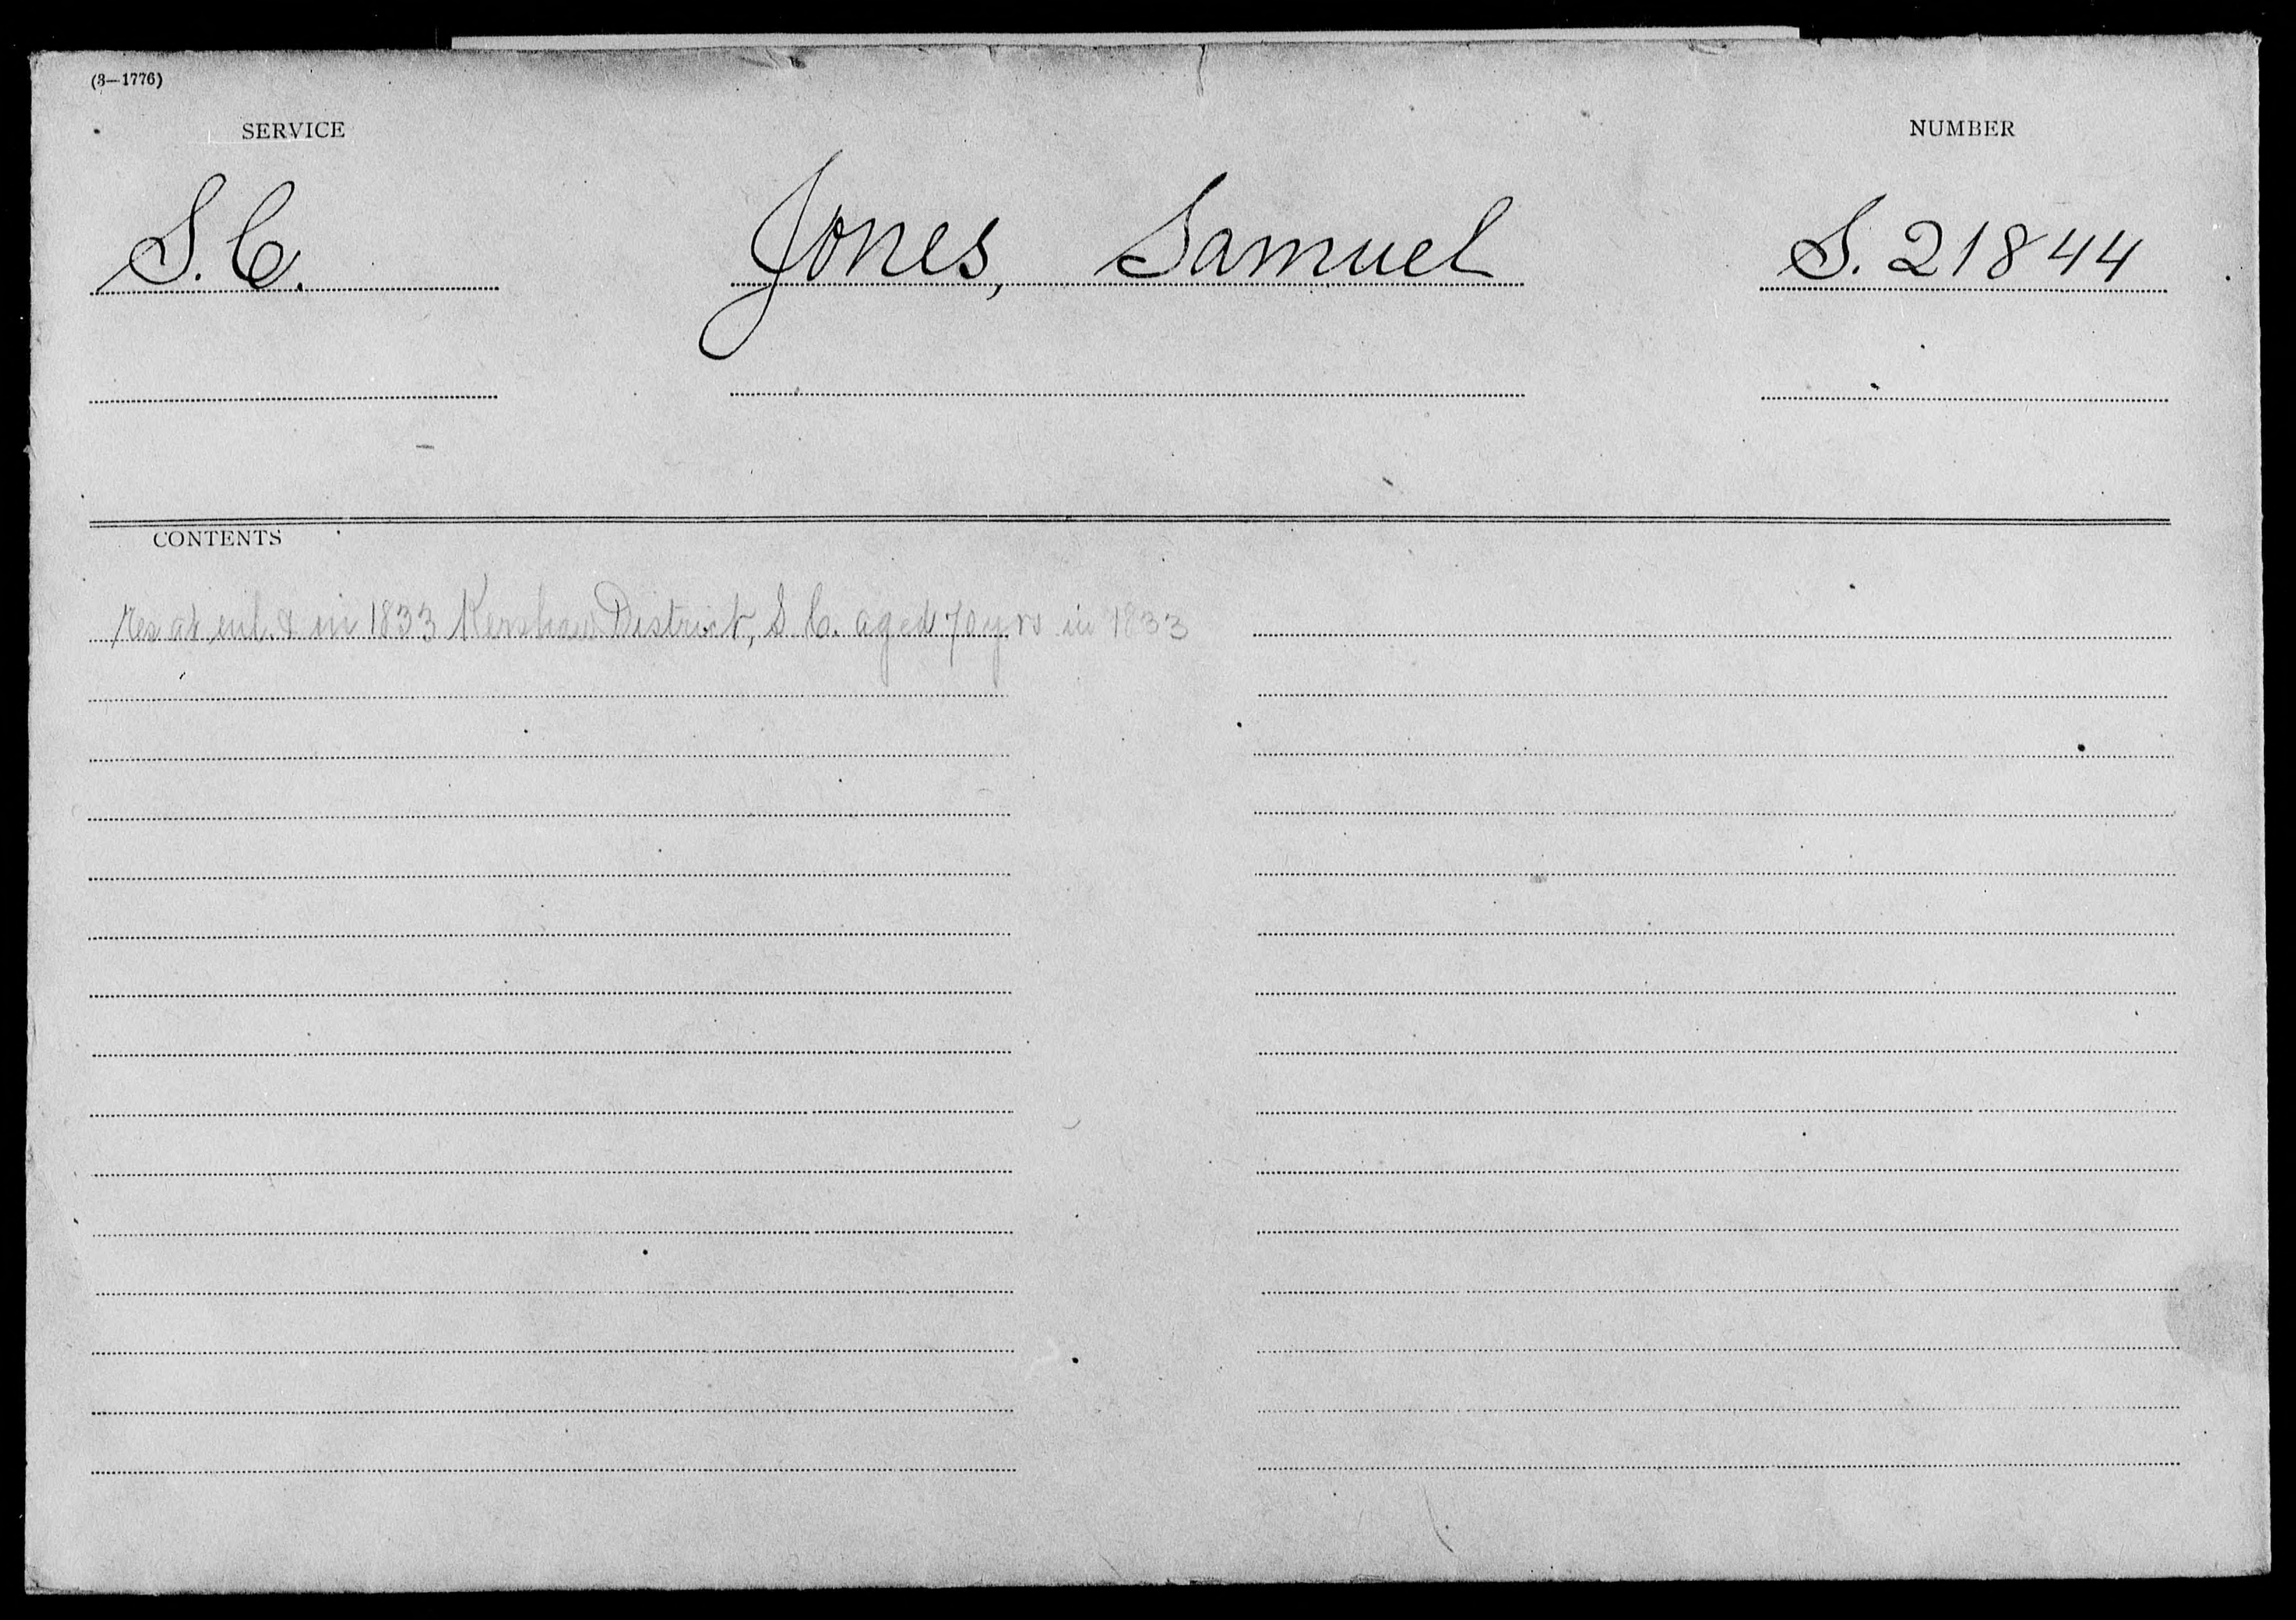(3 - 1776) 
SERVICE 
S. C. 
Jones, Samuel
NUMBER S.21844
CONTENTS
res at int & in 1833 Kershaw District, S.C. aged 70 yrs. in 1833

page: 1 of 28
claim: survivor's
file: S. 21844, for Samuel Jones, South Carolina